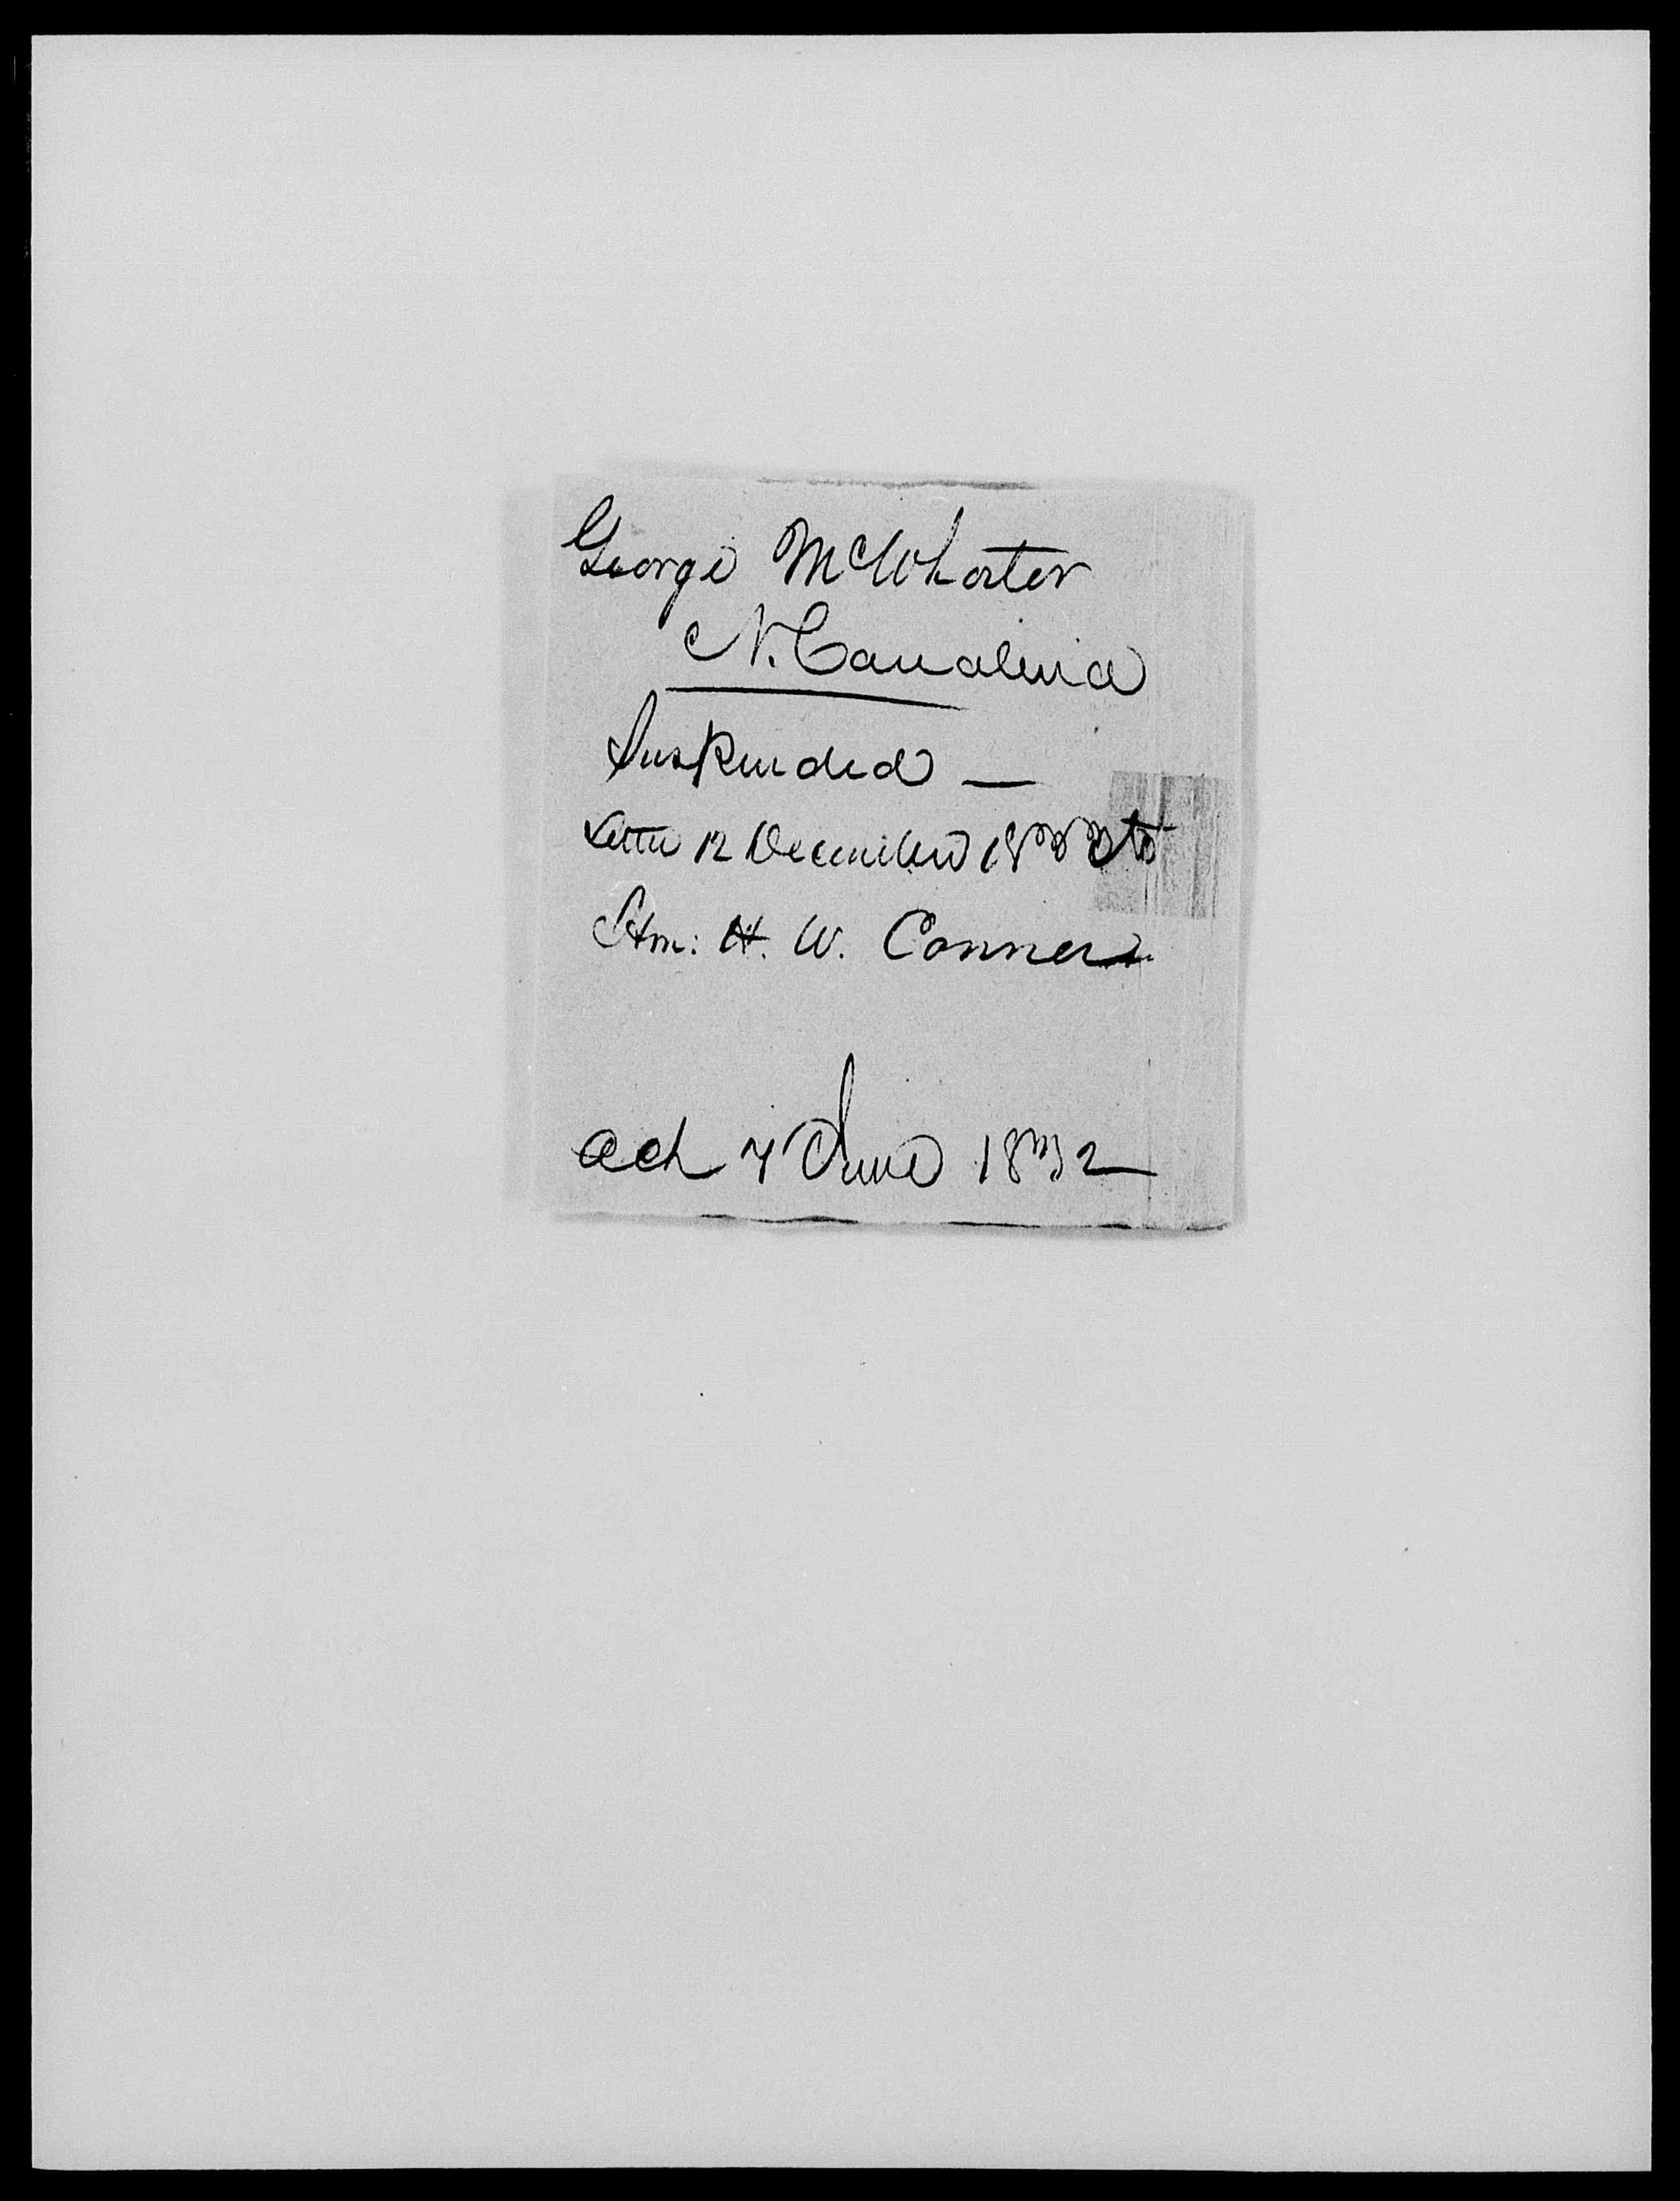George McWhorter  N. Carolina  Suspended - Letter  12 December 1838 (?) to Hon. H. W. Conner act 7 June 1832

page: 16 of 35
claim: survivor's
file: S. 9,011, for George Mc Whorter, North Carolina